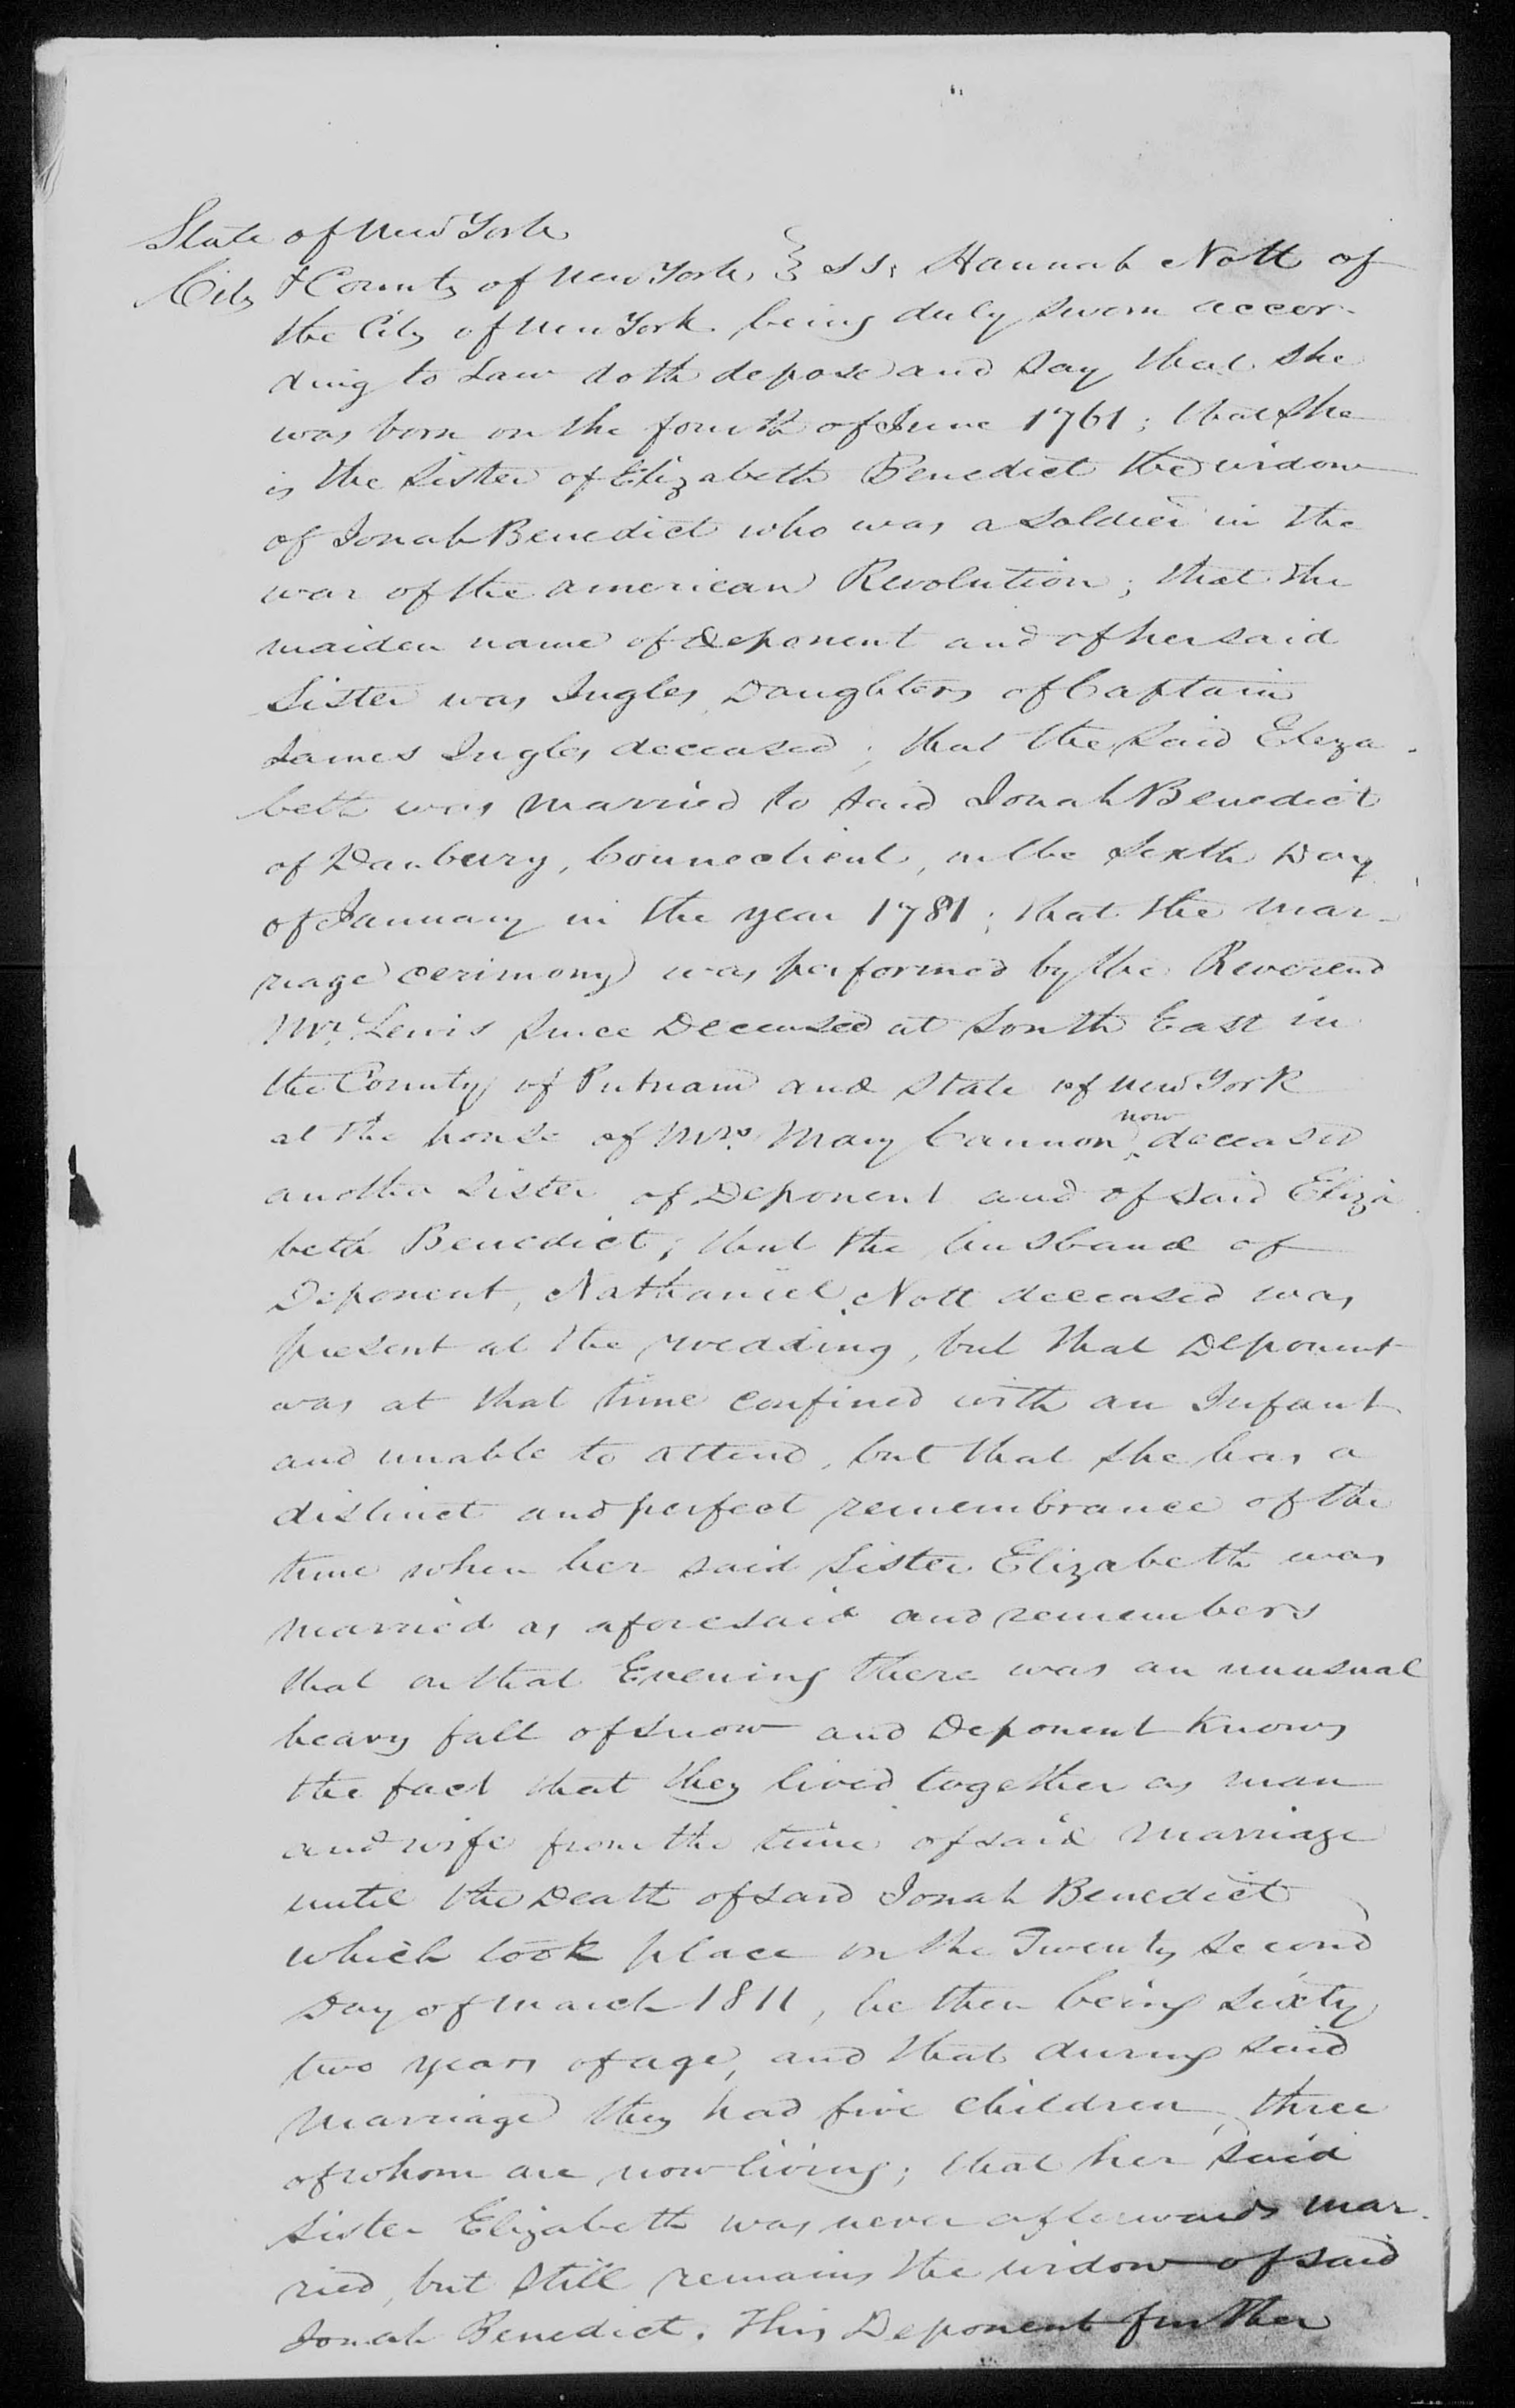State of New York              }
City & County of New York}  SS,    Hannah Nott of
the City of New York being duly sworn accor-
ding to Law doth depose and say that she
was born on the fourth of June 1761; that she
is the sister of Elizabeth Benedict the widow
of Jonah Benedict who was a soldier in the
war of the American Revolution; that the
maiden name of deponent and of her said
Sister was Ingles Daughter of Captain
James Ingles, deceased; that the said Eliza-
beth was married to said Jonah Benedict
of Danbury, Connecticut, on the Sixth Day
of January in the year 1781; that the mar
riage ceremony was performed by the Reverend
Mr Lewis Since Deceased at South East in
the County of Putnam and State of New York
at the house of Mrs Mary Cannon now deceased
another sister of Deponent and of said Eliza-
beth Benedict that the husband of
Deponent Nathaniel Nott deceased was
present at the wedding, but that Deponent
was at that time confined with an Infant
and unable to attend, but that she has a
distinct and perfect remembrance of the
time when her said sister Elizabeth was
married as aforesaid and remembers
that on that evening there was an unusual
heavy fall of snow and Deponent knows
the fact that they lived together as man
and wife from the time of said Marriage
until the death of said Jonah Benedict
which took place on the Twenty second
Day of March 1811, he then being sixty
two years of age, and that during said
marriage they had five children, three
of whom are now living; that her said
Sister Elizabeth was never afterwards mar-
ried, but still remains the widow of said
Jonah Benedict. This Deponent further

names: James Ingles, Jonah Benedict, Jonah Benedict, Wm Lewis, Jonah Benedict, Elizabeth Benedict, Elizabeth Benedict, Jonah Benedict, Elizabeth, Mary Cannon, Elizabeth, Hannah Nott, Elizabeth, Nathaniel Nott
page: 9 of 56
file: [ILLEGIBLE], Jonah Benedict, Conn.